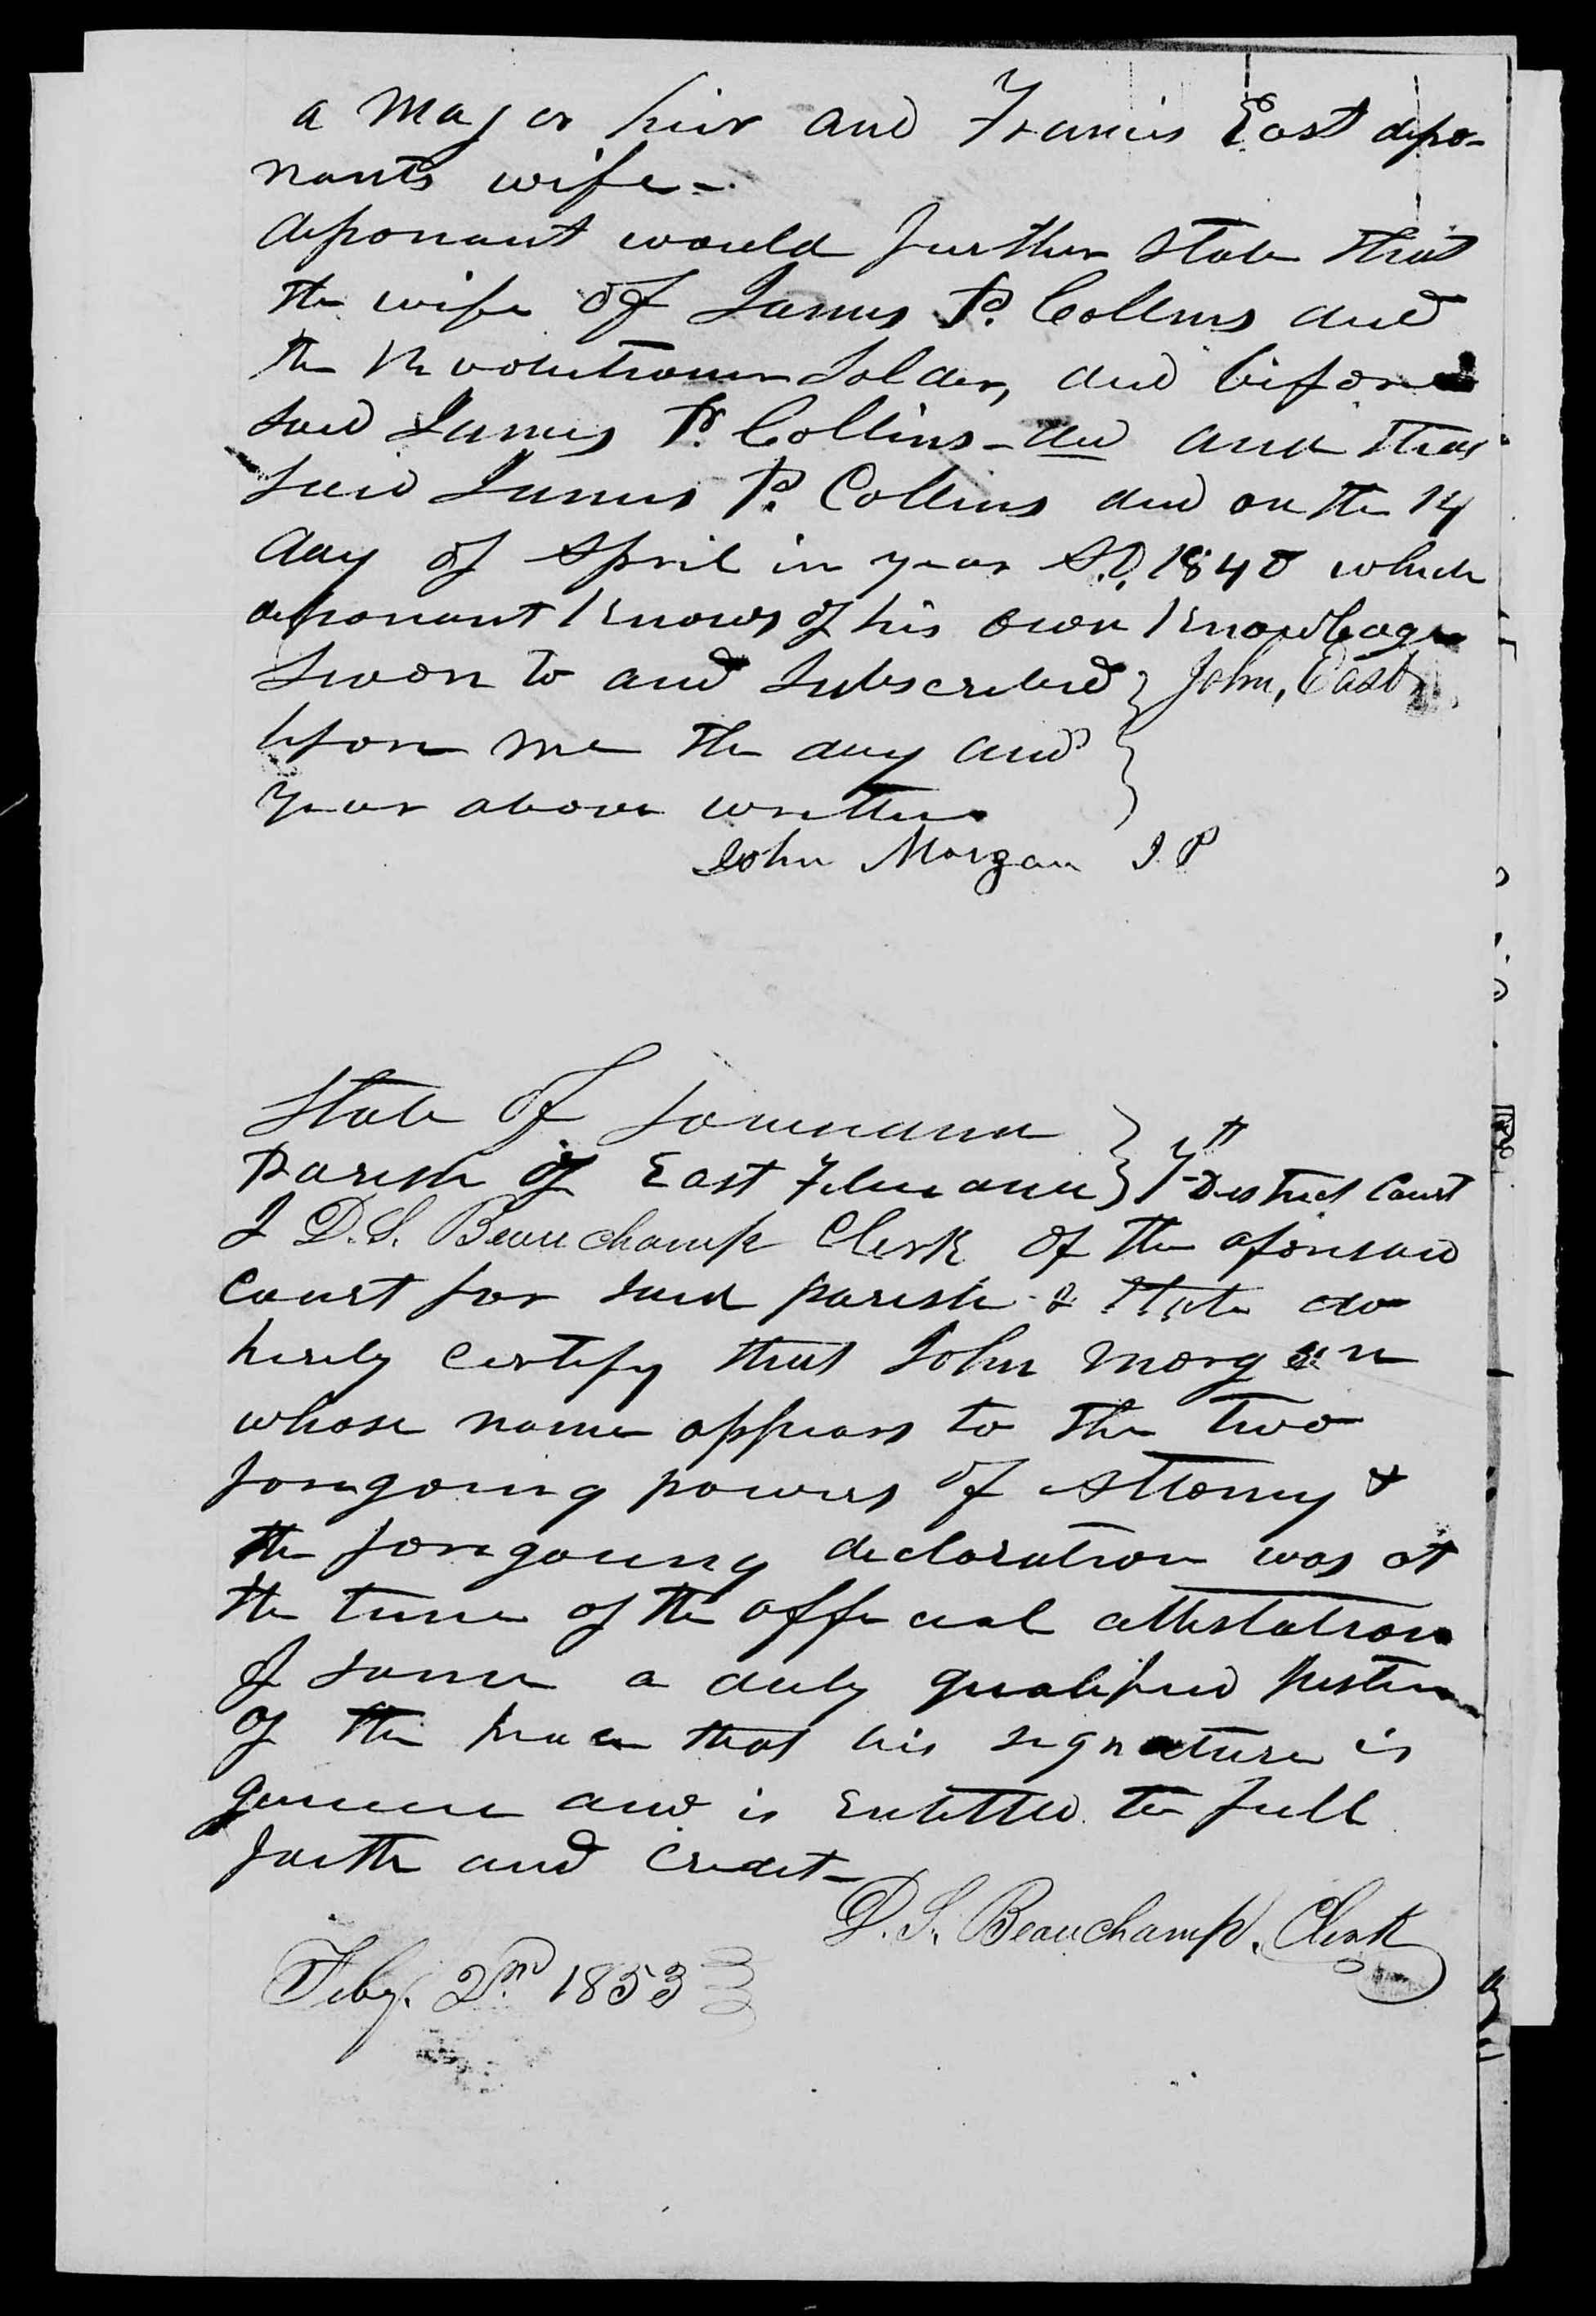a major heir and Francis East deponants wife

Deponent would further state that the wife of James L. Collins dcd the revolutionary solder, died before said James P. Collins and that said James P Collins died on the 14 day of April in year A.D. 1840 which deponent knows of his own knowledge
[signed] John East

Sworn to and subscribed before me the day and year above written
John Morgan J.P

State of Louisiana
Parish of East Feliciana 7th District Court
I, D. S. Beauchamp Clerk of the aforesaid Court for said parish & State do hereby certify that John Morgan whose name appears to the two foregoing power of attorney & the foregoing declaration was at the time of the official attestation of same a duly qualified Justice of the peace that his signature is genuine and is entitled to full faith and credit
Feby 2nd 1853
D.L. Beauchamp, Clerk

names: James P Collins, John East, John Morgan, James P Collins, Francis East, D S Beauchamp, James P Collins, John Morgan, D S Beauchamp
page: 19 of 48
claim: rejected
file: R. 2173, James P Collins, S. C.